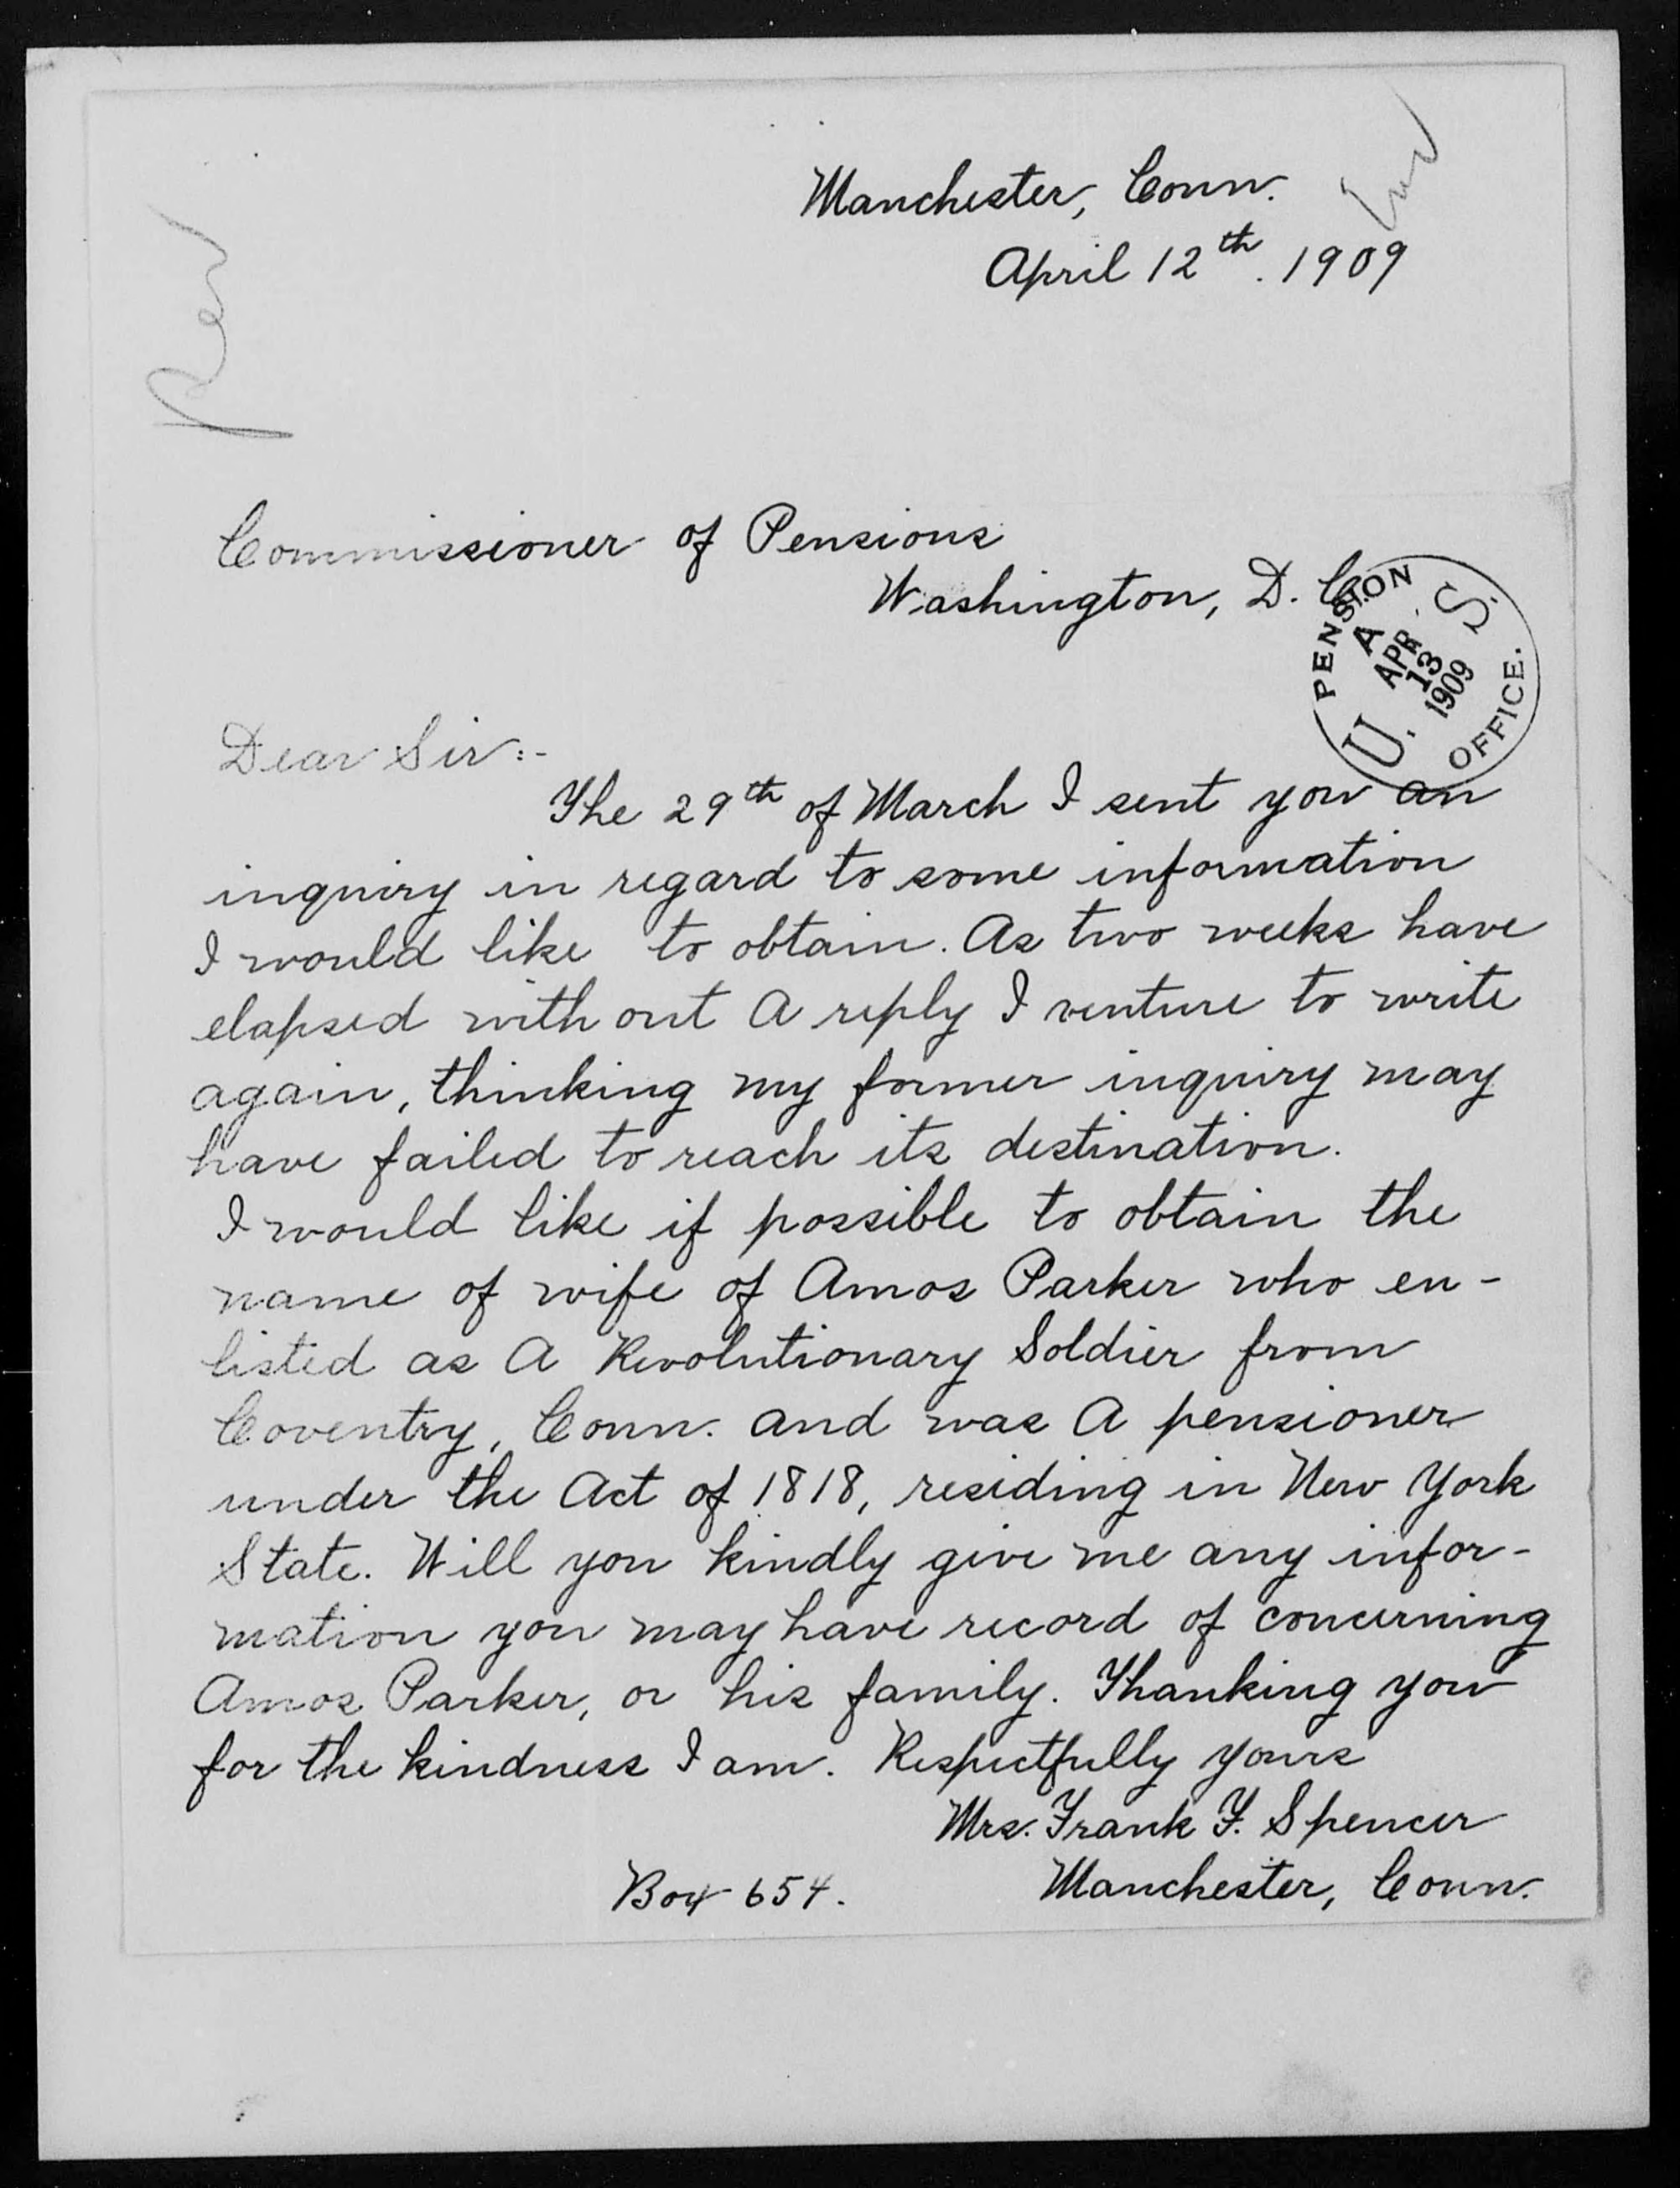Manchester, Conn.
April 12th 1909
Commissioner of Pensions
Washington, D. C.
Dear Sir:
The 29th of March I sent you an
inquiry in regard to some information
I would like to obtain. As two weeks have
elapsed with out a reply I venture to write
again, thinking my former inquiry may
have failed to reach its destination.
I would like if possible to obtain the
name of wife of Amos Parker who enlisted
as a Revolutionary Soldier from
Coventry, Conn. and was a pensioner
under the act of 1818, residing in New York
State. Will you kindly give me any information
you may have record of concerning
Amos Parker, or his family. Thanking you
for the kindness I am. Respectfully yours
Mrs. Frank F. Spencer
Box 654 Manchester, Conn.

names: Amos Parker; Frank F Spencer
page: 27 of 31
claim: survivor's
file: S. 43766, for Amos Parker, Connecticut